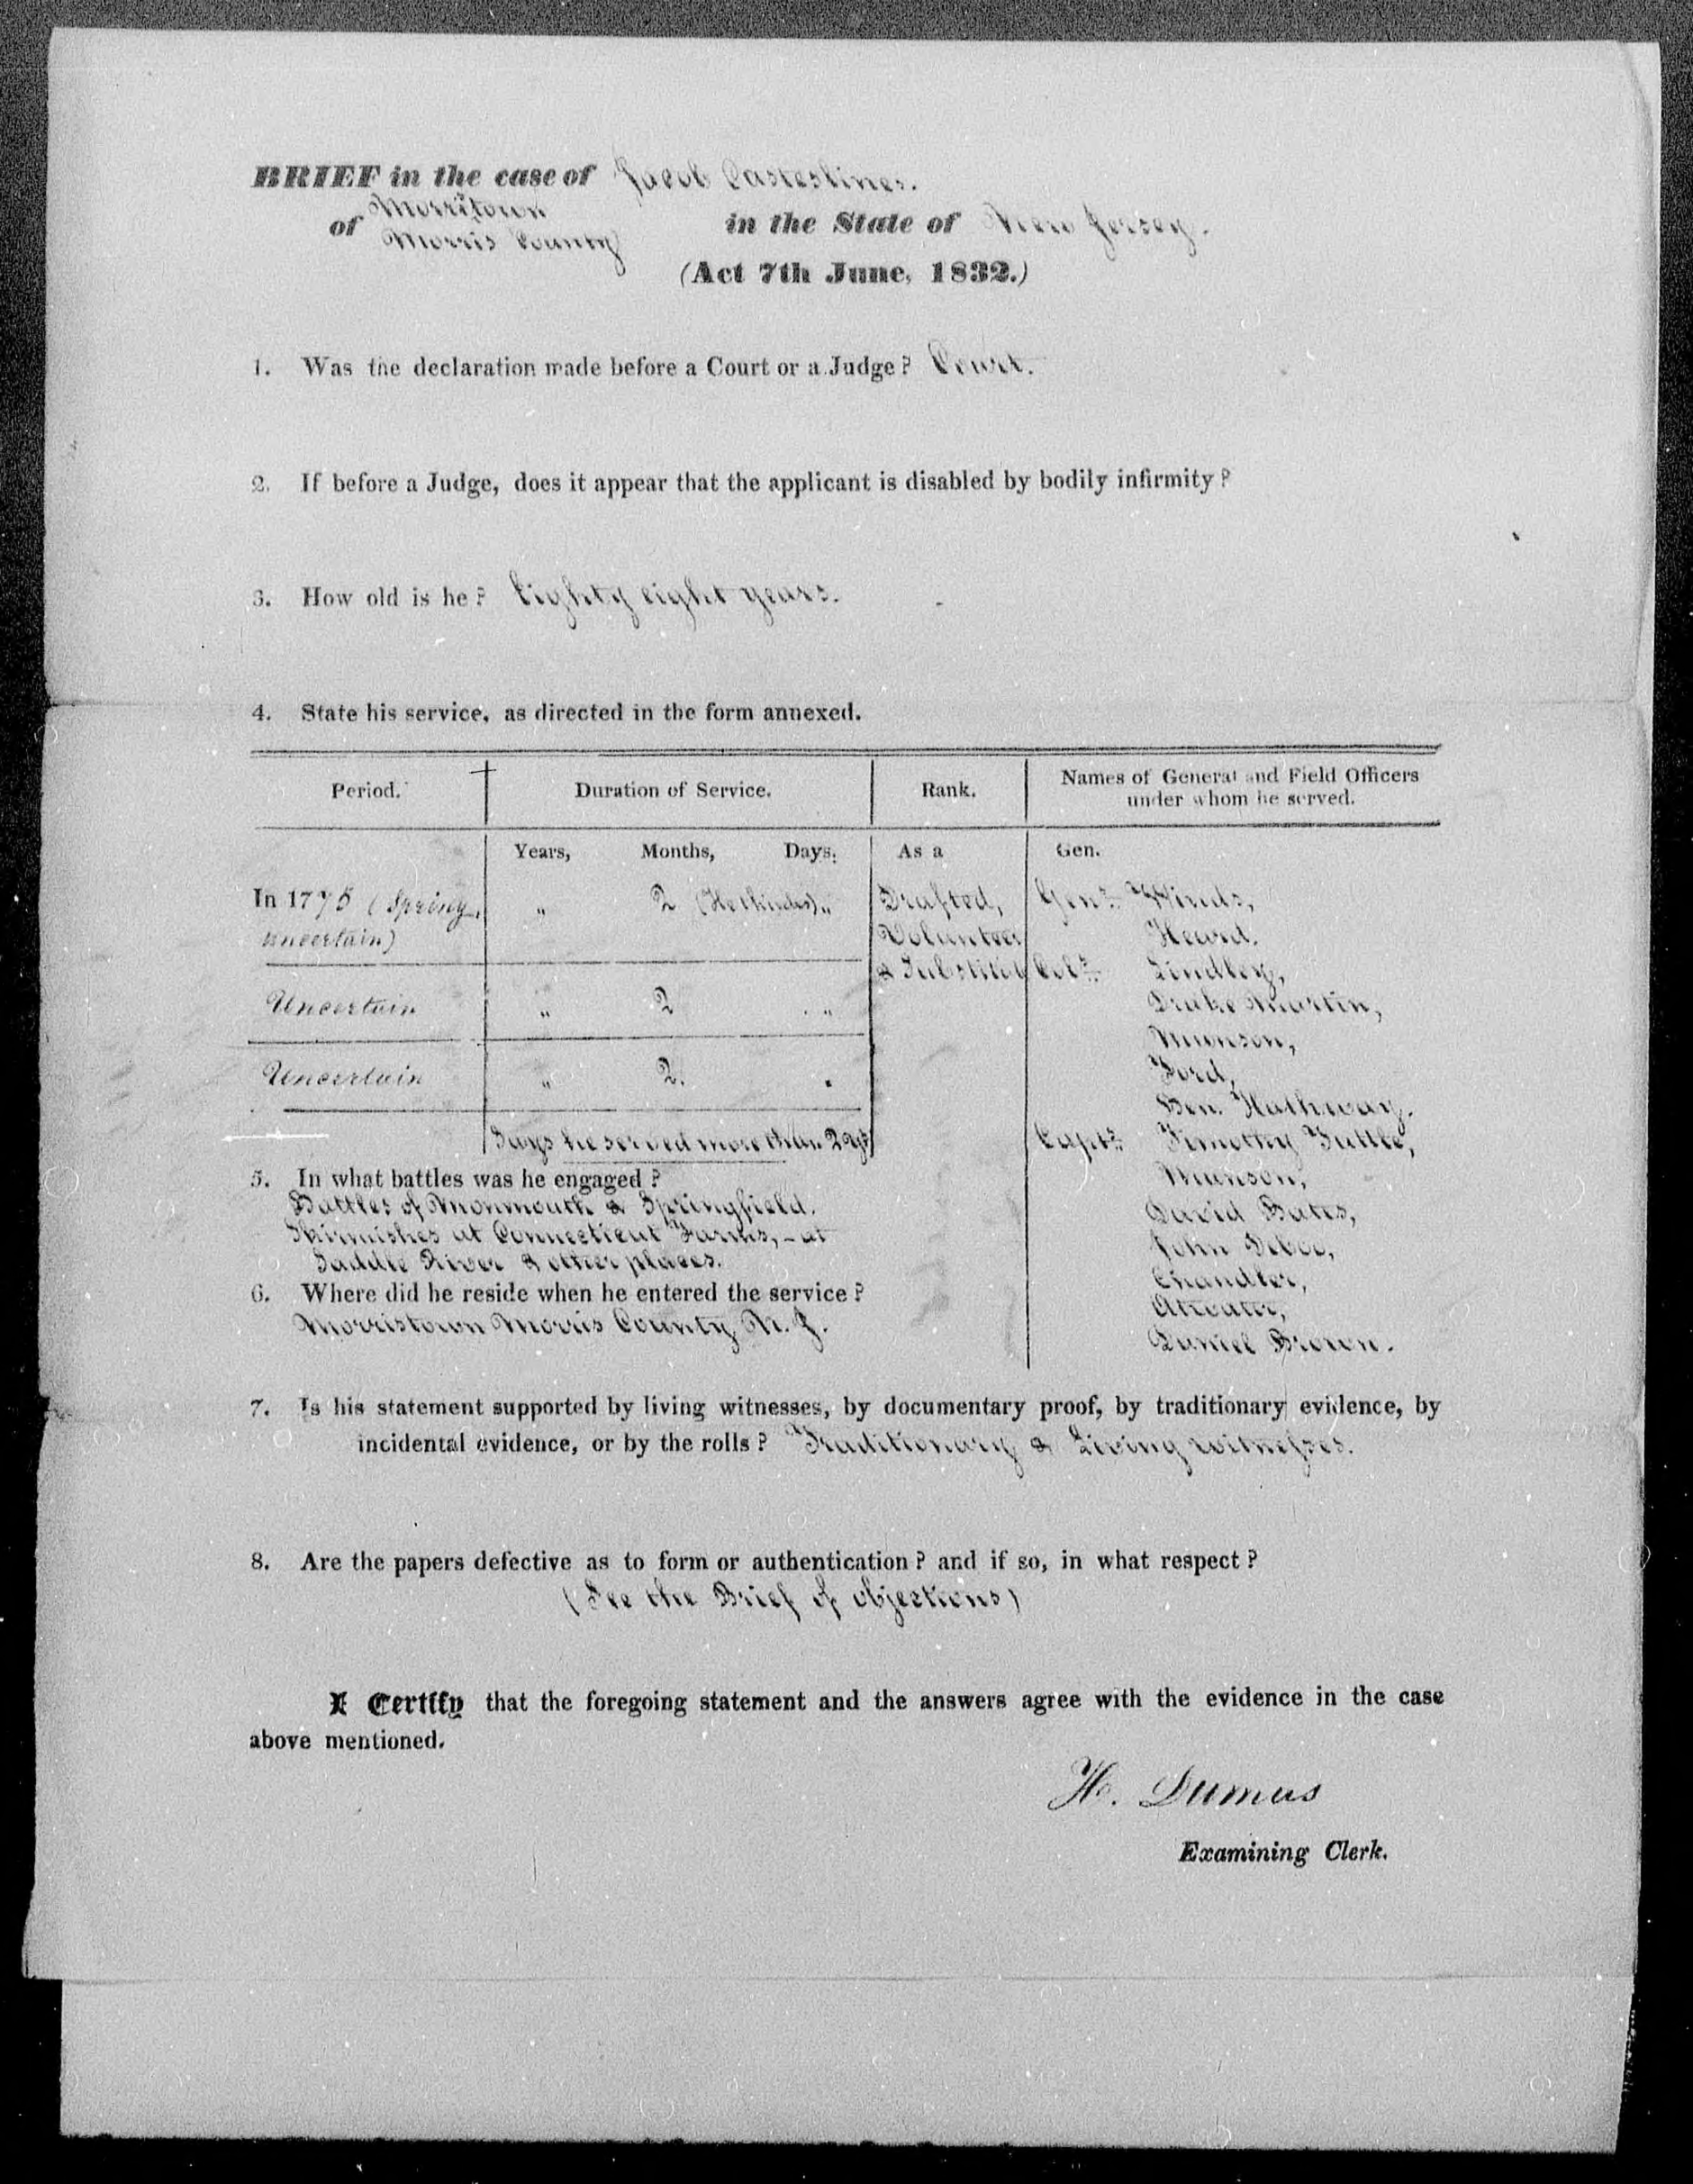Brief in the case of Jacob Casterline of Morristown Morris County in the State of New Jersey. (Act 7th June, 1832)

1.  Was the declaration made before a Court or a Judge?  Court

2.  If before a Judge, does it appear that the applicant is disabled by bodily infirmity?

3.  How old is he?  eighty eight years

4.  State his service, as directed in the form annexed.

Period |  Duration of Service |  Rank | Names of General and Field Officers under whom he served.

In 1775 (Spring, uncertain) |  2 months (he thinks) | As a Drafted volunteer & substitute | Gens Winds, Hewet [?], Lindley, Drake Martin, Munson, Ford, Wm Hathaway, Cpts Timothy Tuttle, Munson, David Batts, John Dober, Chandler, Atwater, Daniel Brown

Uncertain |  2 months

Uncertain | 2 months
                | Says he served more than 2 years

5.  In what battles was he engaged?  Battles of Monmouth and Springfield, skirmishes at Connecticut farms, at Saddle River and other places

6.  Where did he reside when he entered the service?  Morristown Morris County NJ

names: Atwater, Winds, John Dober, Munson, Ford, Drake Martin, Munson, Daniel Brown, H Dumas, David Batts, Timothy Tuttle, Chandler, Jacob Casterline, Heard, Wm Hathway, Lindley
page: 8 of 38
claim: widow's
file: W. 6644, Jacob Casterline, New Jersey